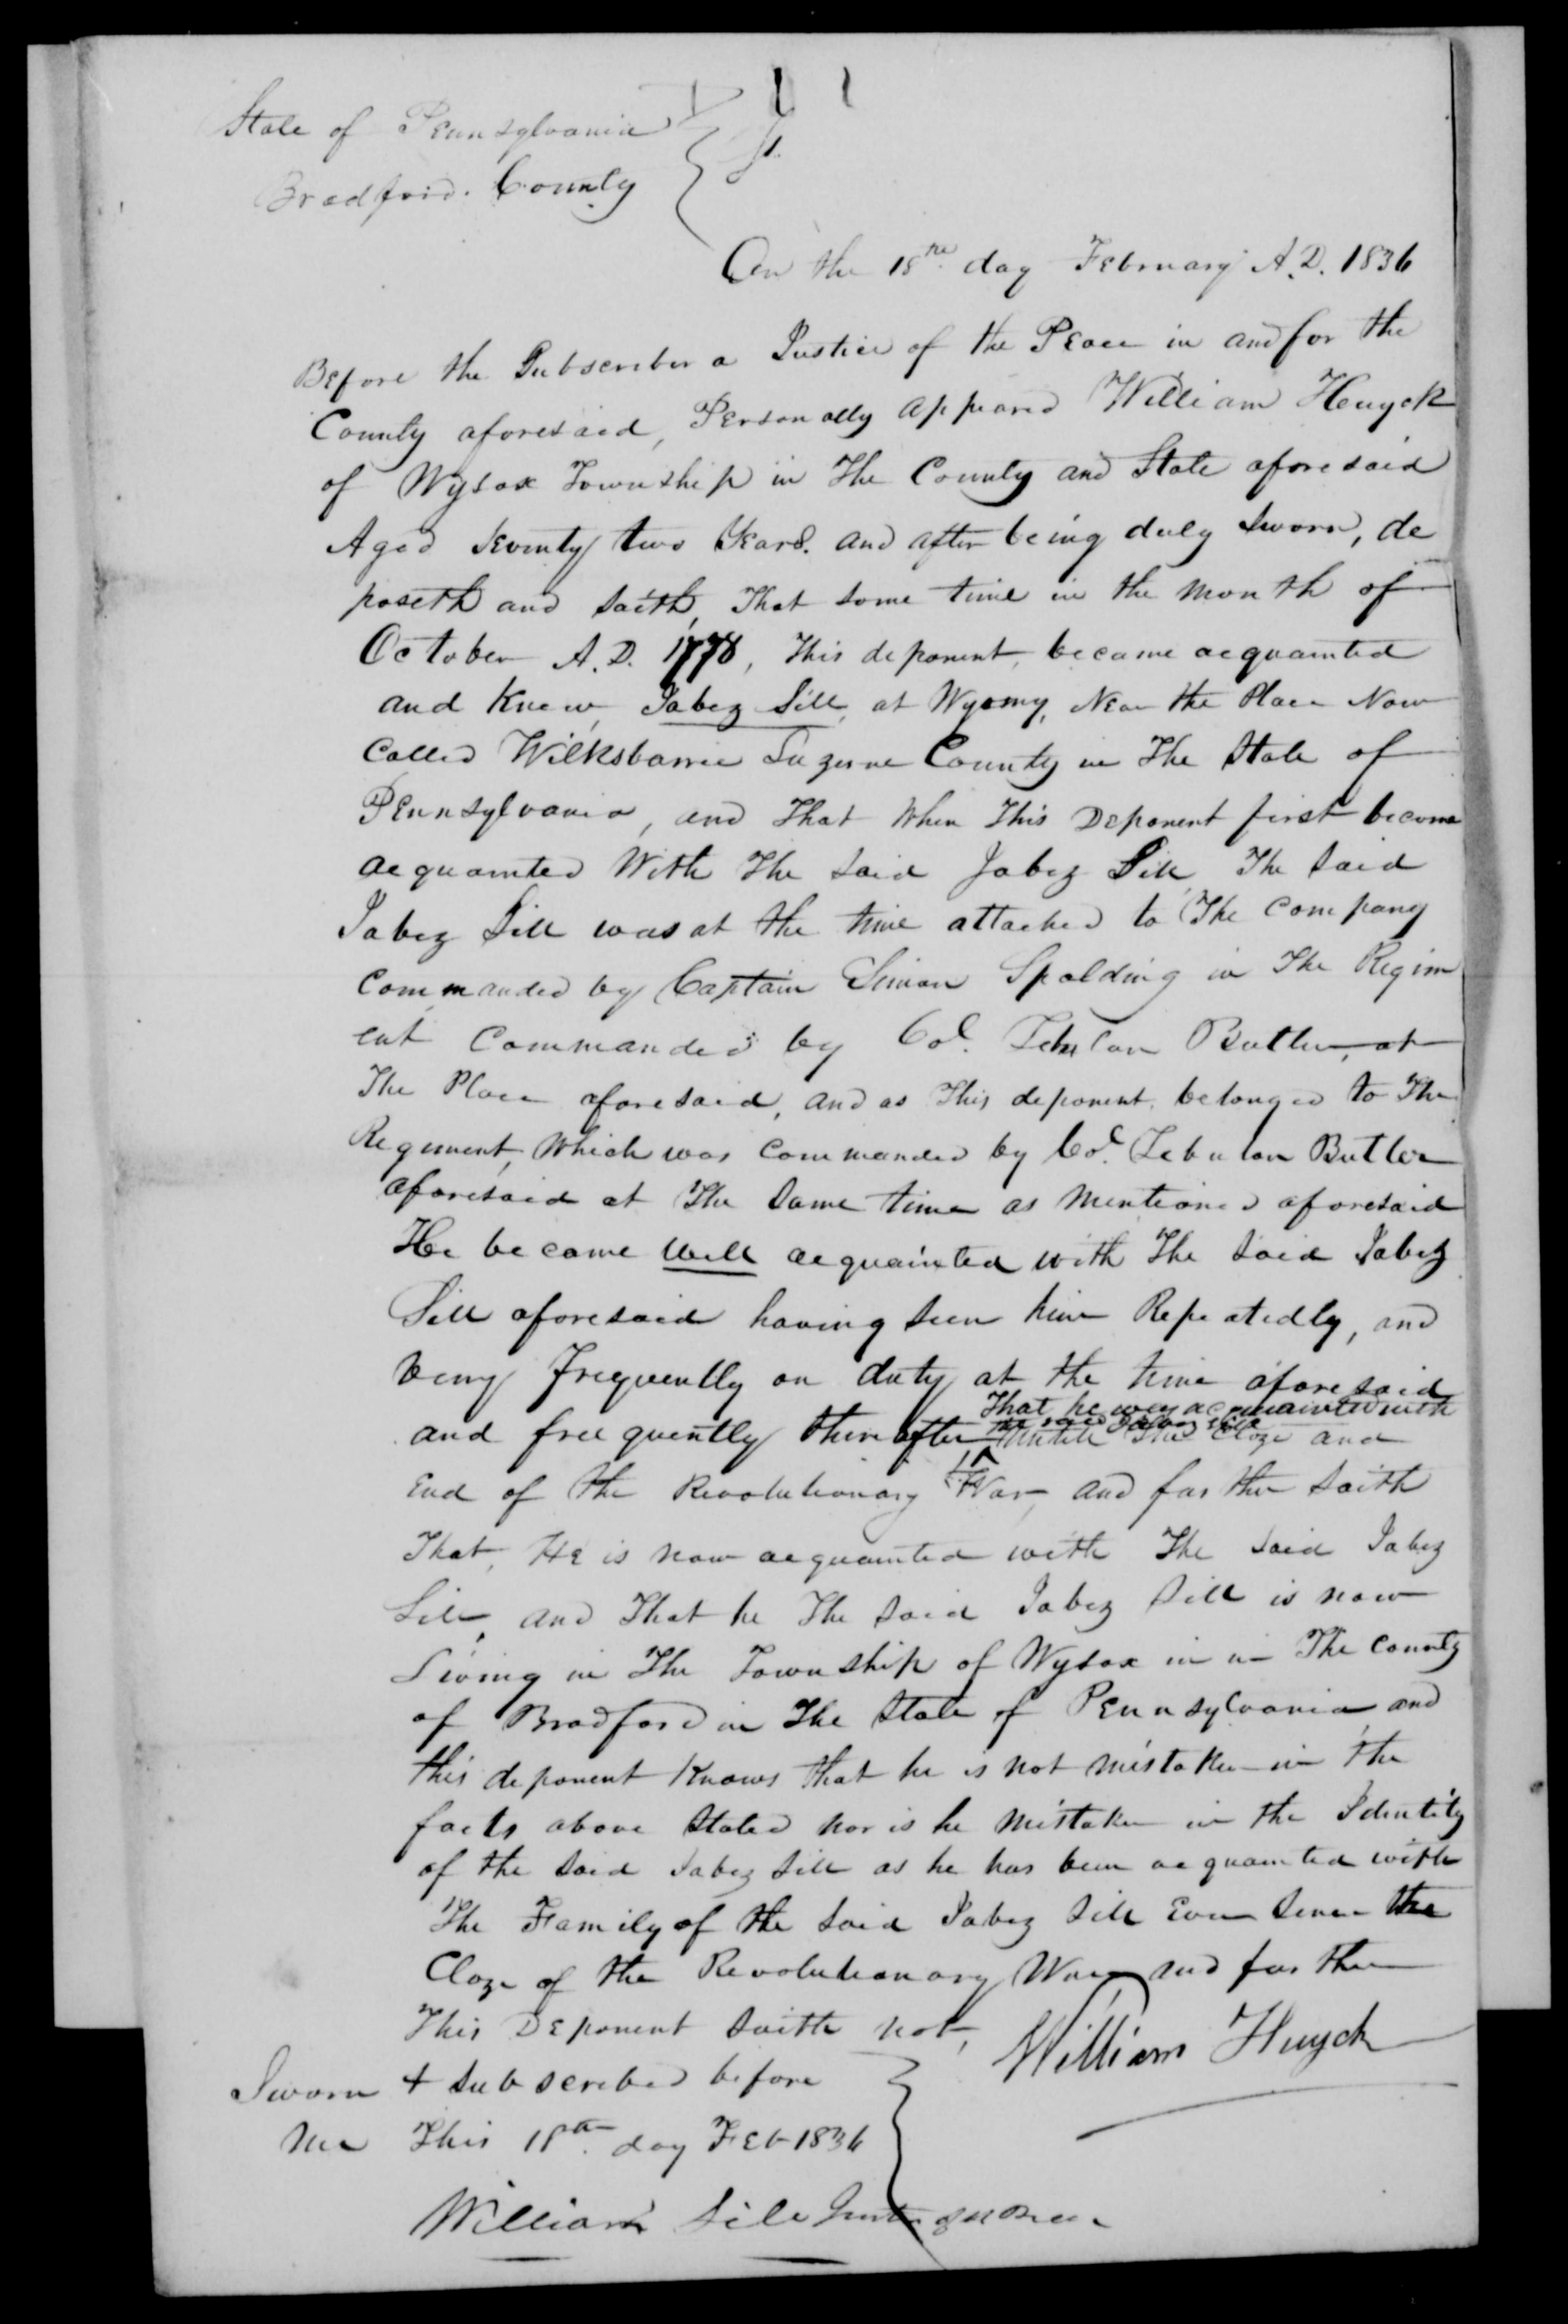State of Pennsylvania
Bradford County

On the 18th day February A.D. 1836 Before the [[unclear]] [[/unclear]] a Justice of the Peace in and for the county aforesaid Personally appeared Wiliam Heuyok of Wysox Township in the county and state aforesaid aged seventy two years and after being duly sworn, de poseth and saith that some time in the month of October A.D. 1778 This deponent became acquainted and knew Jabez Sill at Wyony near the place now called Wilksbarre Suzanne County in the state of Pennsylvania and that when this deponent first became acquainted with the said Jabez Sill he said Jabez Sill was at the time attached to the company commanded by Captain Simon Spalding in the region was commanded by Col. Zebulan Butler at the place aforesaid and as this deponent belong to the Regiment, which was commanded by the Col. Zebulan Butler aforesaid at the same time as mentioned aforesaid He became well acquainted with the said Jabez Sill aforesaid having seen him repeatedly, and very frequently on duty at the time aforesaid and frequently then after that he was acquainted with [[unclear]] [[/unclear]] close and end of the Revolutionary War-and or the south that he is now acquainted with the said Jabez Sill and that he said Jabez Sill is now living in the township of Wysox is in the county of Bradford in the state of Pennsylvania and this deponent knows that he is not mistaken in the facts above states her is mistaken in the identity of Jabez Sill as he has been acquainted with the Family of the said Jabez Sill ever since the cloze of the Revolutionary War and further this despondent saith not.
William Huyok
Sworn & subscribe before me this 18th day Feb 1836 
William Sill Justice of the Peace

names: Zebulon Butler; Jabez Sill; Simon Spalding; William Sill; Zebulon Butler; Jabez Sill; Jabez Sill; Jabez Sill; William Huyck; William Huyck; Jabez Sill; Jabez Sill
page: 3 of 29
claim: rejected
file: R. 9570, for Jabez Sill, Connecticut